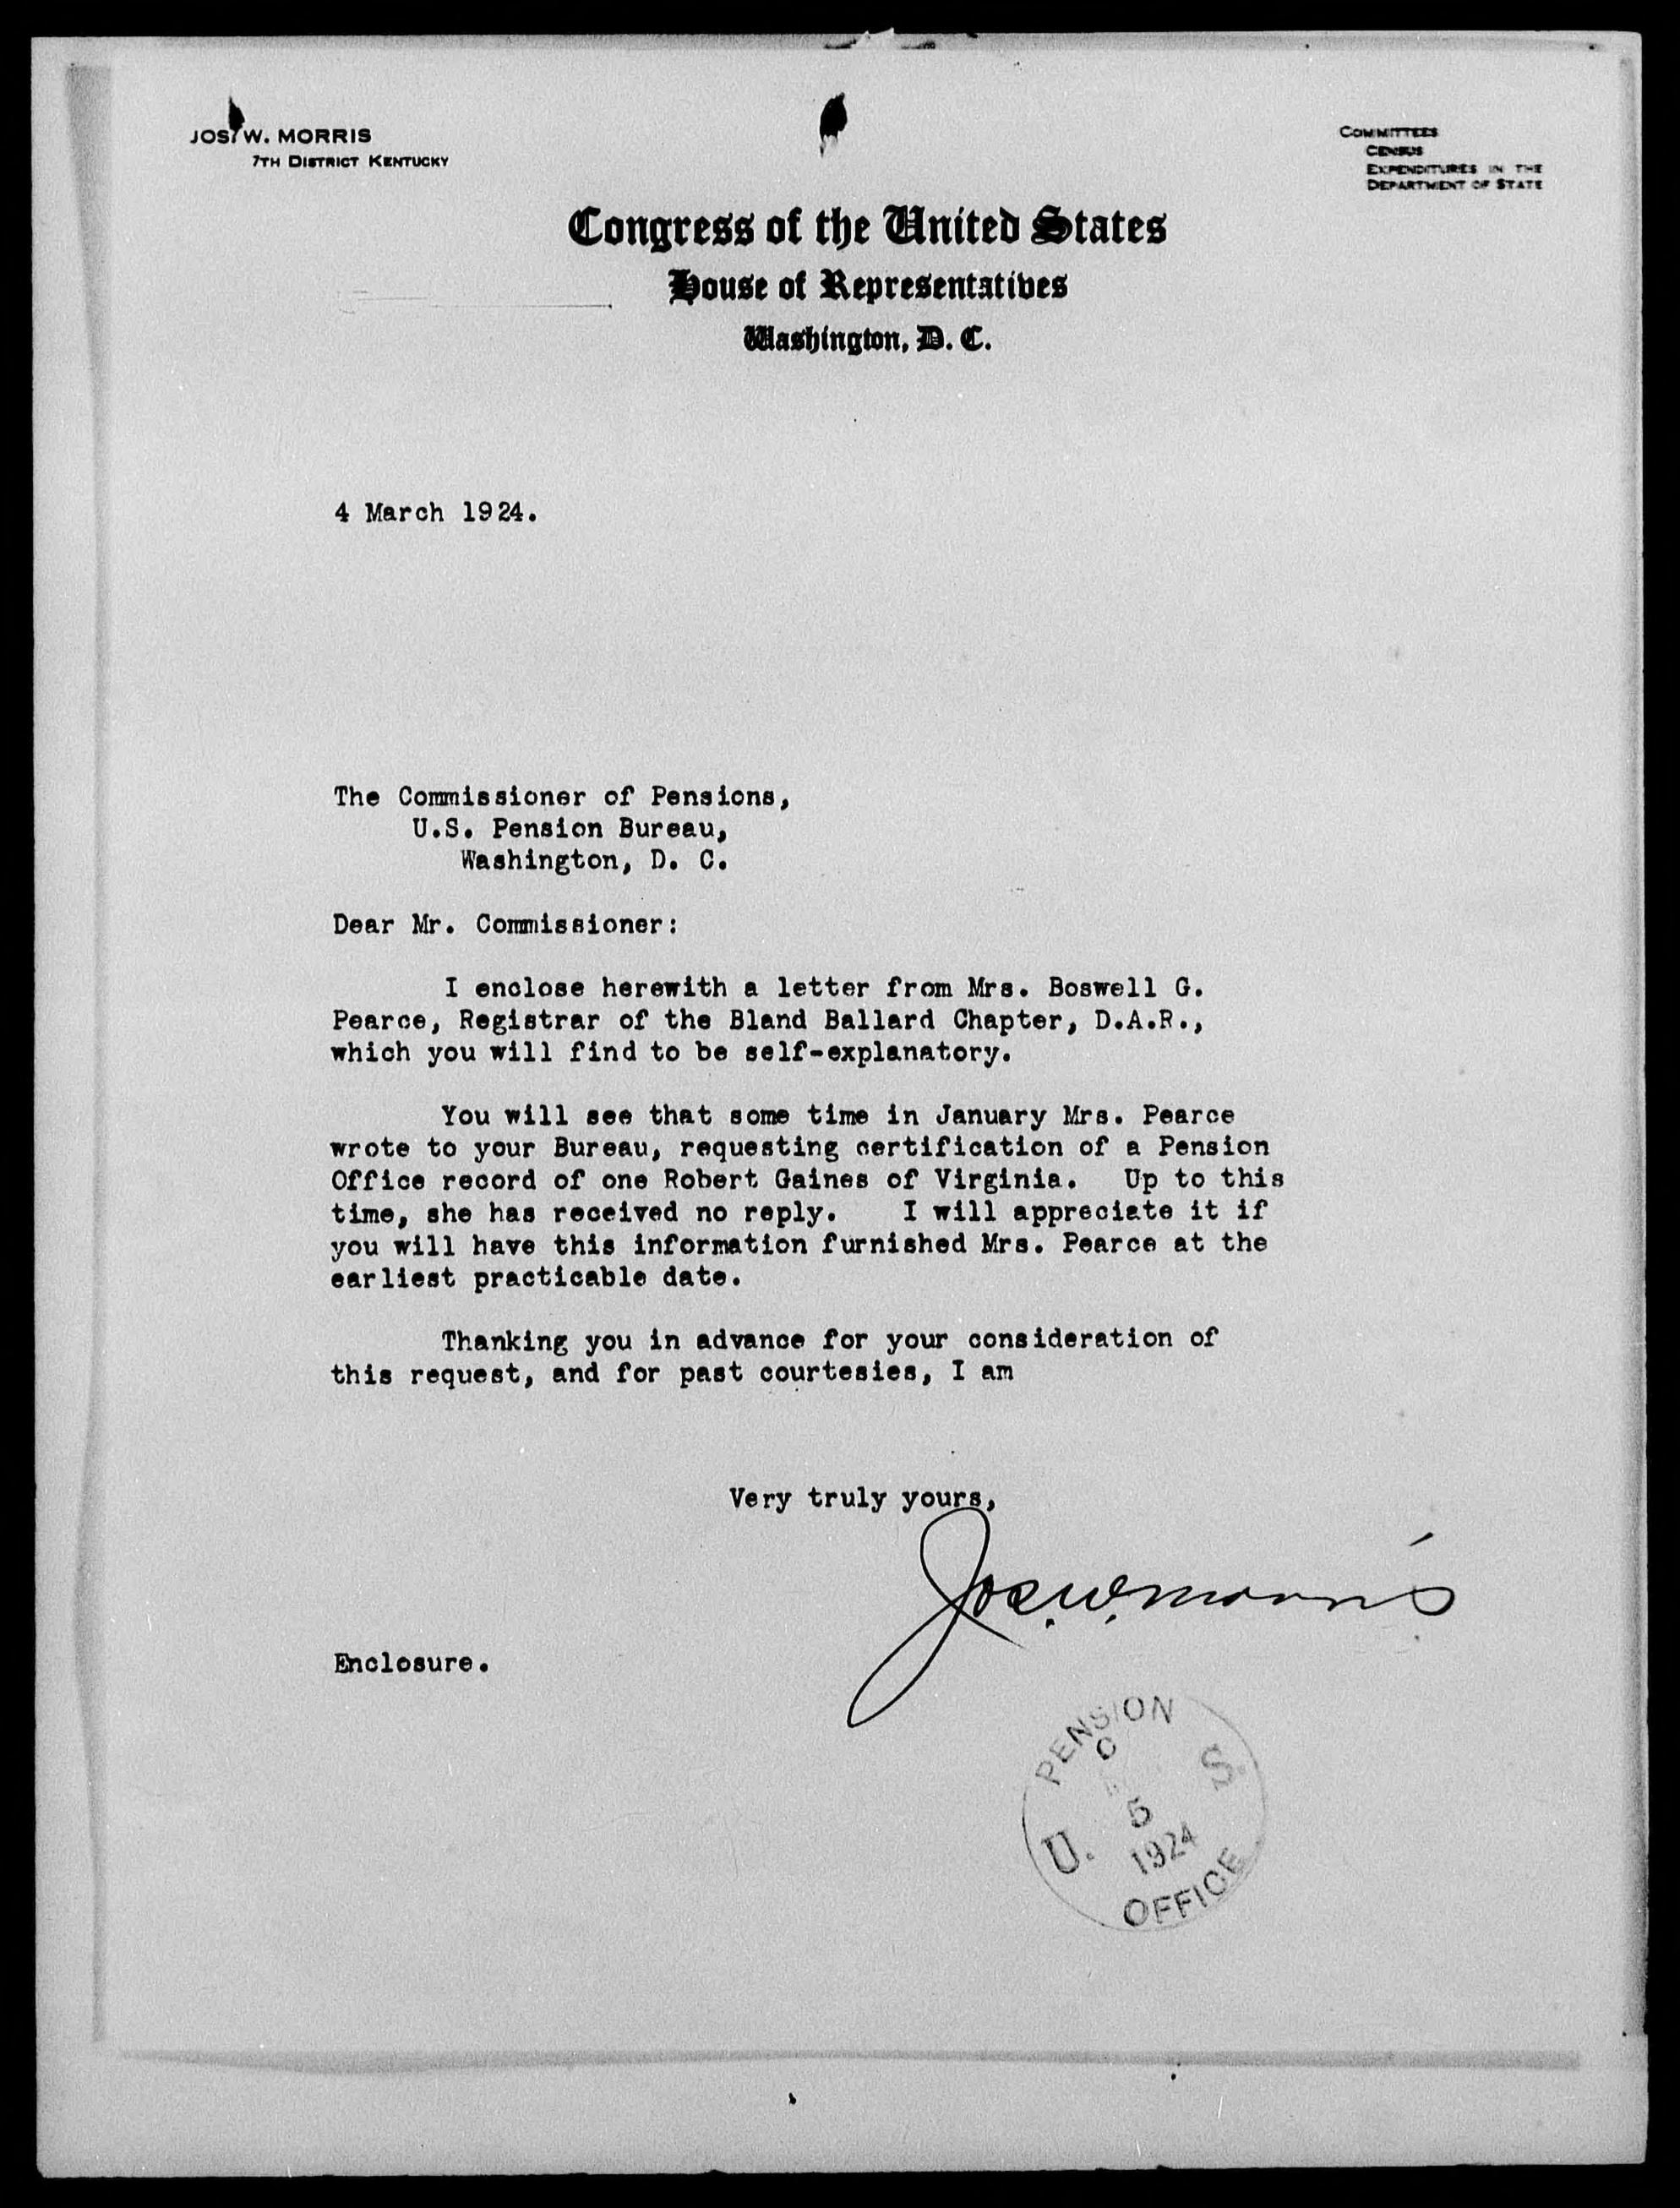JOS W. MORRIS
7TH DISTRICT KENTUCKY
COMMITTEES
CENSUS
EXPENDITURES IN THE
DEPARTMENT OF STATE
Congress of the United States
House of Representatives
Washington, D.C.
4 March 1924.
The Commissioner of Pensions,
U. S. Pension Bureau,
Washington, D. C.
Dear Mr. Commissioner:
I enclose herewith a letter from Mrs. Boswell G.
Pearce, Registrar of the Bland Ballard Chapter, D.A.R.
which you will find to be self-explanatory.
You will see that some time in January Mrs. Pearce
wrote to your Bureau, requesting certification of a Pension
Office record of one Robert Gaines of Virginia. Up to this
time, she has received no reply. I will appreciate it if
you will have this information furnished Mrs. Pearce at the
earliest practicable date.
Thanking you in advance for your consideration of
this request, and for past courtesies, I am
Very truly yours,
Jos W. Morris
Enclosure.

U. S. PENSION OFFICE
C
[illegible]
28
1924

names: Boswell G Pearce, Pearce, Jos W Morris, Pearce, Robert Gaines, Jos W Morris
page: 49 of 79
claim: rejected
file: R. 3863, Robert Gaines, Va.